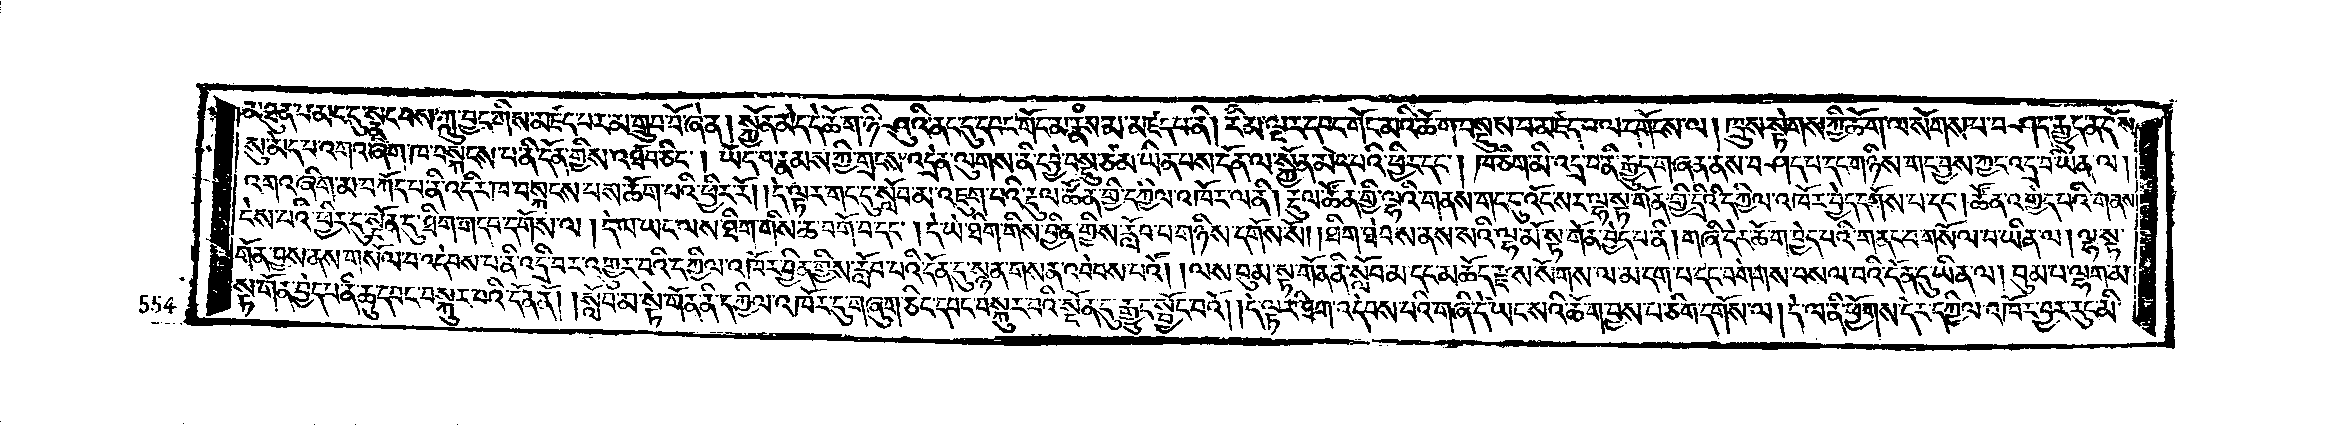མཐུན་པ་མང་དུ་སྣང་བས་ཀླུ་བྱང་གིས་མཛད་པར་མ་གྲུབ་བོ་ཞེ་ན། སྐྱོན་མེད་དེ་ཆོ་ག་ཉི་ཤུའི་ནང་དུ་དབང་གོང་མ་རྣམས་མ་མཛད་པ་ནི། རིམ་ལྔར་དབང་གོང་མའི་ཆོ་ག་བསྡུས་པ་མཛད་པ་ལ་དགོངས་ལ། ཁྲུས་སྟེགས་ཀྱི་ཆོ་ག་ལ་སོགས་པ་བཤད་རྒྱུད་ན་དངོས་
སུ་མེད་པ་འགའ་ཞིག་ཁ་བསྐངས་པ་ནི་དོན་གྱིས་འཐོབ་ཅིང་། ཡོད་པ་རྣམས་ཀྱི་གྲངས་འདྲེན་ལུགས་ནི་དབྱེ་བསྡུ་ཙམ་ཡིན་པས་དོན་ལ་སྐྱོན་མེད་པའི་ཕྱིར་དང་། ཁ་ཅིག་མི་འདྲ་བ་ནི་རྒྱུད་གཞན་ནས་བཤད་པ་དང་གཉིས་གང་བྱས་ཀྱང་འདྲ་བ་ཡིན་ལ།
འགའ་ཞིག་མ་བཀོད་པ་ནི་འདིར་ཁ་བསྐངས་པས་ཆོག་པའི་ཕྱིར་རོ། །དེ་ལྟར་གང་དུ་སློབ་མ་འཇུག་པའི་རྡུལ་ཚོན་གྱི་དཀྱིལ་འཁོར་ལ་ནི། རྡུལ་ཚོན་གྱི་ལྷའི་གནས་གང་དུ་འོང་སར་ལྷ་སྟ་གོན་གྱི་དྲིའི་དཀྱིལ་འཁོར་བྱེད་དགོས་པ་དང་། ཚོན་འགྱེད་པའི་གནས་
ངེས་པའི་ཕྱིར་དུ་སྔོན་དུ་ཐིག་གདབ་དགོས་ལ། དེ་ལ་ཡང་ལས་ཐིག་གིས་ཆ་བགོ་བ་དང་། དེ་ཡི་ཐིག་གིས་བྱིན་གྱིས་རློབ་པ་གཉིས་དགོས་སོ། །ཐིག་ཐེབས་ནས་སའི་ལྷ་མོ་སྟ་གོན་བྱེད་པ་ནི། གཞི་དེར་ཆོ་ག་བྱེད་པའི་གནང་བ་གསོལ་བ་ཡིན་ལ། ལྷ་སྟ་
གོན་བྱས་ནས་གསོལ་བ་འདེབས་པ་ནི་འདྲི་བར་འགྱུར་བའི་དཀྱིལ་འཁོར་བྱིན་གྱིས་རློབ་པའི་དོན་དུ་སྙན་གསན་འབེབས་པའོ། །ལས་བུམ་སྟ་གོན་ནི་སློབ་མ་དང་མཆོད་རྫས་སོགས་ལ་མ་དག་པ་དང་བགེགས་བསལ་བའི་དོན་དུ་ཡིན་ལ། བུམ་པ་ལྷག་མ་
སྟ་གོན་བྱེད་པ་ནི་ཆུ་དབང་བསྐུར་བའི་དོན་ནོ། །སློབ་མ་སྟ་གོན་ནི་དཀྱིལ་འཁོར་དུ་གཞུག་ཅིང་དབང་བསྐུར་བའི་སྔོན་དུ་རྒྱུད་སྦྱོང་བའོ། །དེ་ལྟར་ཐིག་འདེབས་པའི་གཞི་དེ་ཡང་སའི་ཆོ་ག་བྱས་པ་ཅིག་དགོས་ལ། དེ་ལ་ནི་ཕྱོགས་དེར་དཀྱིལ་འཁོར་བྱར་རུང་མི་